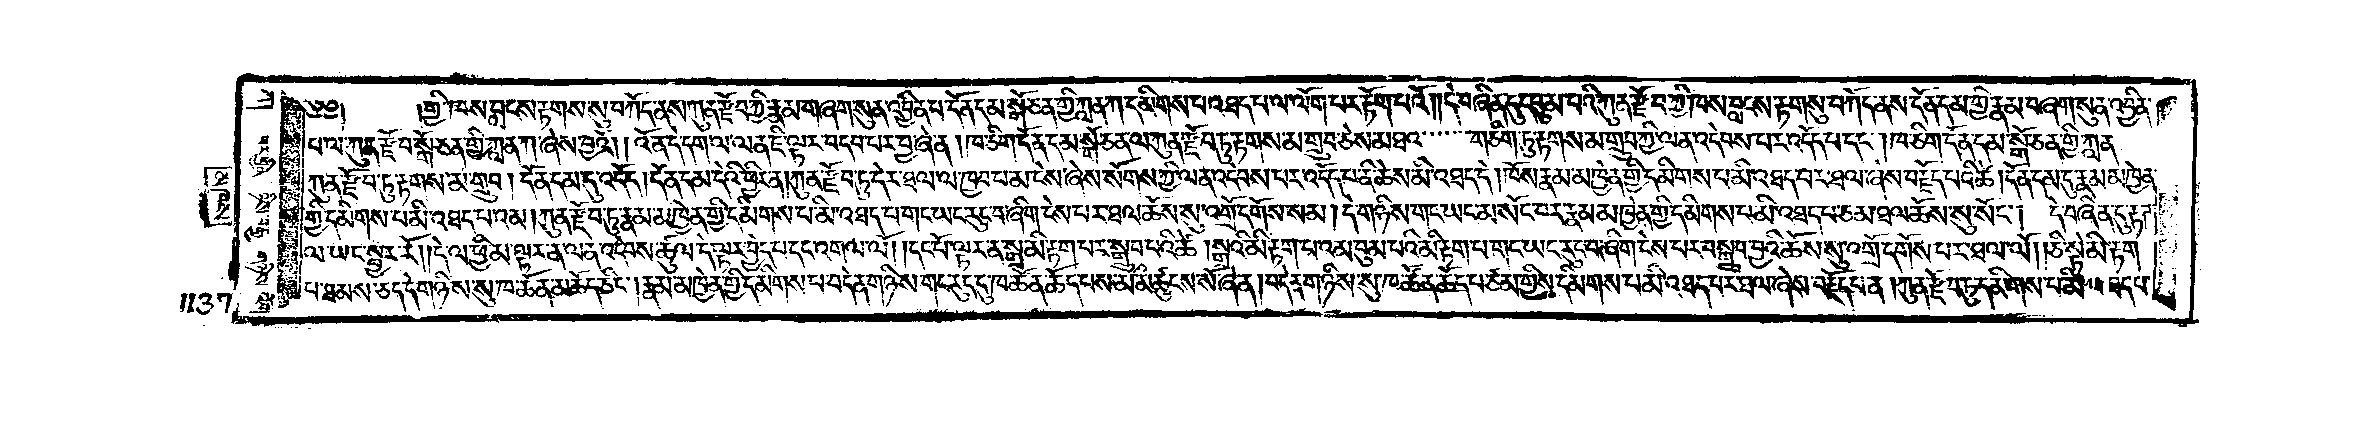སེཅོནད་༄༅། །གྱི་ཁས་བླངས་རྟགས་སུ་བཀོད་ནས་ཀུན་རྫོབ་ཀྱི་རྣམ་གཞག་སུན་འབྱིན་པ་དོན་དམ་སྒོ་ཅན་གྱི་ཀླན་ཀ་དམིགས་པ་འཐད་པ་ལ་ལོག་པར་རྟོག་པའོ། །དེ་བཞིན་དུ་དབུ་མ་པའི་ཀུན་རྫོབ་ཀྱི་ཁས་བླངས་རྟགས་སུ་བཀོད་ནས་དོན་དམ་གྱི་རྣམ་བཞག་སུན་འབྱིན་
པ་ལ་ཀུན་རྫོབ་སྒོ་ཅན་གྱི་ཀླན་ཀ་ཞེས་བྱའོ། །འོ་ན་དེ་དག་ལ་ལན་ཇི་ལྟར་བདབ་པར་བྱ་ཞེ་ན། ཁ་ཅིག་དོན་དམ་སྒོ་ཅན་ལ་ཀུན་རྫོབ་ཏུ་རྟགས་མ་གྲུབ་ཅེས་མཐའ་གཅིག་ཏུ་རྟགས་མ་གྲུབ་ཀྱི་ལན་འདེབས་པར་འདོད་པ་དང་། ཁ་ཅིག་དོན་དམ་སྒོ་ཅན་གྱི་ཀླན་ཀ་
ཀུན་རྫོབ་ཏུ་རྟགས་མ་གྲུབ། དོན་དམ་དུ་འདོད། དོན་དམ་དེའི་ཕྱིར་ན། ཀུན་རྫོབ་ཏུ་དེར་ཐལ་ལ་ཁྱབ་པ་མ་ངེས་ཞེས་སོགས་ཀྱི་ལན་འདེབས་པར་འདོད་པ་ནི་ཆེས་མི་འཐད་དེ། ཁོས་རྣམ་མཁྱེན་གྱི་དམིགས་པ་མི་འཐད་པར་ཐལ་ཞེས་བརྗོད་པའི་ཚེ། དོན་དམ་དུ་རྣམ་མཁྱེན་
གྱི་དམིགས་པ་མི་འཐད་པའམ། ཀུན་རྫོབ་ཏུ་རྣམ་མཁྱེན་གྱི་དམིགས་པ་མི་འཐད་པ་གང་ཡང་རུང་བ་ཞིག་ངེས་པར་ཐལ་ཆོས་སུ་འགྲོ་དགོས་སམ། དེ་གཉིས་གང་ཡང་མ་སོང་བར་རྣམ་མཁྱེན་གྱི་དམིགས་པ་མི་འཐད་པ་ཙམ་ཐལ་ཆོས་སུ་སོང་། དེ་བཞིན་དུ་རྟགས་
ལ་ཡང་སྦྱར་རོ། །དེ་ལ་ཕྱི་མ་ལྟར་ན་ལན་འདེབས་ཚུལ་དེ་ལྟར་བྱེད་པ་དང་འགལ་ལོ། །དང་པོ་ལྟར་ན་སྒྲ་མི་རྟག་པར་སྒྲུབ་པའི་ཚེ། སྒྲའི་མི་རྟག་པ་འམ་བུམ་པའི་མི་རྟག་པ་གང་ཡང་རུང་བ་ཞིག་ངེས་པར་བསྒྲུབ་བྱའི་ཆོས་སུ་འགྲོ་དགོས་པར་ཐལ་ལོ། །ཅི་སྟེ་མི་རྟག་
པ་ཐམས་ཅད་དེ་གཉིས་སུ་ཁ་ཆོན་མཆོད་ཅིང་། རྣམ་མཁྱེན་གྱི་དམིགས་པ་བདེན་གཉིས་གང་རུང་དུ་ཁ་ཚོན་ཆོད་པས་མི་མཚུངས་སོ་ཞེ་ན། བདེན་གཉིས་སུ་ཁ་ཚོན་ཆོད་པ་ཙམ་གྱིས་དམིགས་པ་མི་འཐད་པར་ཐལ་ཞེས་བརྗོད་པ་ན། ཀུན་རྫོབ་ཏུ་དམིགས་པ་མི་འཐད་པ་